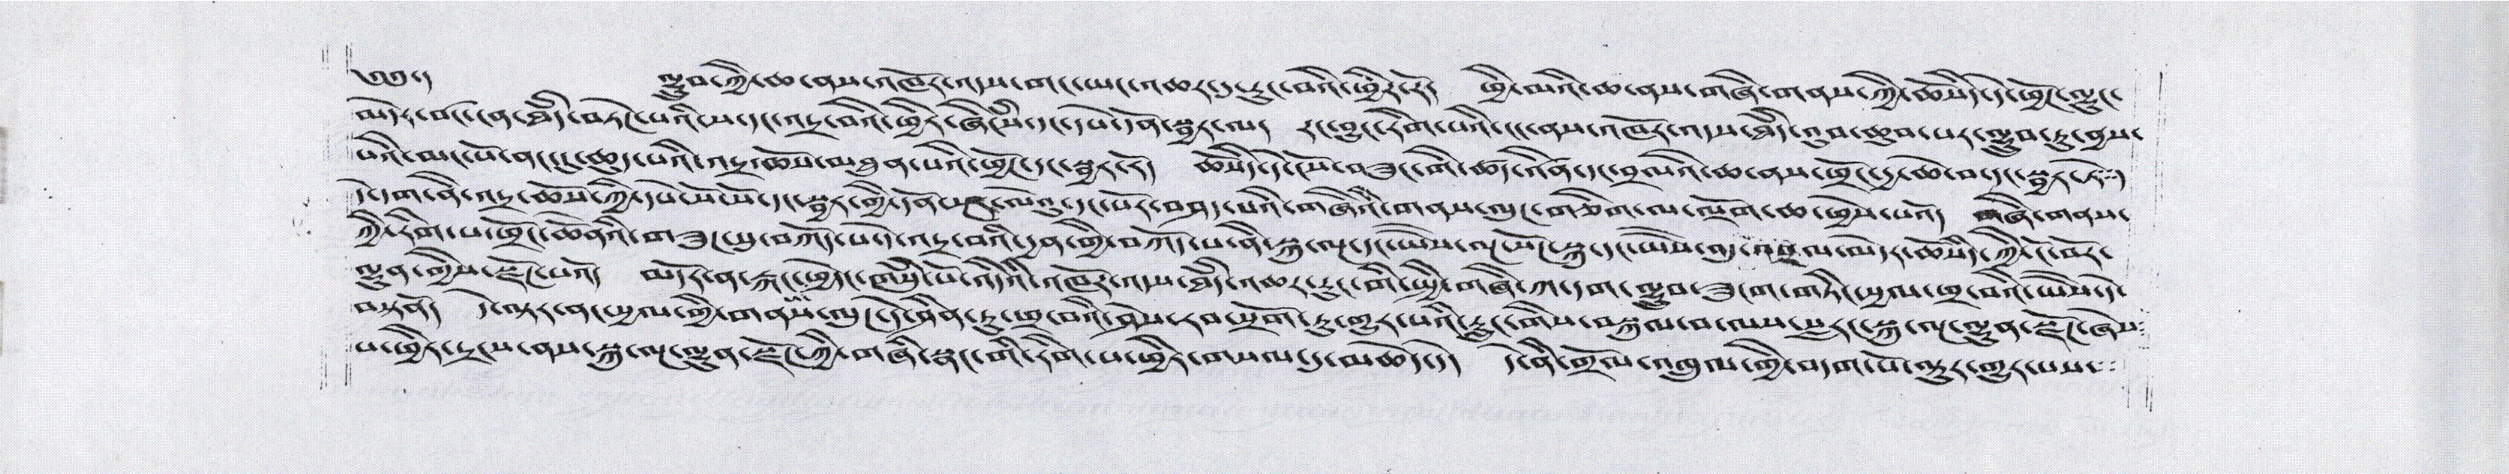ལྷུན་གྲུབ་ཀྱི་ཆ་ནས་འཁོར་འདས་གང་ཡང་འཆར་དུ་རུང་བའི་ཕྱིར་རོ། ཕྱི་མའི་ཆ་ནས་གཞི་གནས་ཀྱི་ཆོས་ཉིད་དེ་ཕྱོགས་ལྷུང་
མེད་པར་བཟང་ངན་ཐམས་ཅད་བཏེགས་པའི་ས་དང་འདྲ་བའི་ཕྱིར་ཞིང་ཁམས་དང་དཔེ་དོན་སྦྱར་ལ། རང་བྱུང་རིག་པའི་ངང་ནས་འཁོར་འདས་ཐམས་ཅད་འུབས་ཆུབ་པར་ལྷུན་གྲུབ་ཏུ་གནས་
པའི་མང་པོ་ནང་དུ་ཆུད་པའི་འདྲ་ཆོས་མཐུན་པའི་ཕྱོགས་དང་སྦྱར་རོ། ཆོས་ཉིད་དེ་ངོས་བཟུང་གི་ཚད་འཛིན་དང་བྲལ་བའི་ཆ་ནས་ཕོ་བྲང་རྒྱ་ཆེ་བ་དང་སྦྱར་ཏེ། 
དེ་དག་ནི་འདྲ་ཆོས་ཀྱི་དཔེ་སོ་སོ་དང་སྦྱར་གྱི་དོན་སྔར་ལེའུ་དང་པོར་བཤད་པའི་གཞིའི་གནས་ལུགས་གཅིག་ལ་ལྡོག་ཆ་ཕྱེས་པའོ། གཞི་གནས་
ཀྱི་རིག་པ་ཕོ་བྲང་ཆེན་པོའི་གཟུགས་སུ་བཀོད་པ་དེ་འདྲ་བའི་རྒྱན་གྱི་བཀོད་པ་ནི་སྐུ་ལྔ་དང་ཡེ་ཤེས་ལྔ་སོགས་སྐུ་དང་ཡེ་ཤེས་འདུ་འབྲལ་མེད་པར་ཆོད་ཉིད་ཀྱི་ངོ་བོར་
ལྷུན་གྱིས་རྫོགས་པའོ། མདོར་ན་རྐང་པ་ཕྱེད་དང་གསུམ་པོ་འདིས་འཁོར་འདས་ཐམས་ཅད་འཆར་རུང་གི་སྤྱི་གཞི་ཀ་དག་ལྷུན་གྲུབ་ཟུང་འཇུག་གཏིང་གསལ་ཕྲ་བའི་ཡེ་ཤེས་དེ་
བསྟན་ནོ། དེ་ལྟར་ནང་གསལ་གྱི་གནས་ལུགས་དེ་ཤིན་ཏུ་ཕྲ་བའི་ཤེས་རབ་སྲོག་ཏུ་གྱུར་པའི་རླུང་གིས་བསྐུལ་བ་ལས་སླར་ཡང་སྐུ་ལྔ་ལྷུན་རྫོགས་ཞེས་
པ་ཕྱིར་དྲངས་ནས་སྐུ་ལྔ་ལྷུན་རྫོགས་ཀྱི་གཞི་སྣང་གི་རིག་པ་ཕྱིར་གསལ་དུ་མཆེད་དེ། དེ་ནི་གྲོལ་འཁྲུལ་གྱི་བདག་པོ་ལྟ་བུར་གྱུར་པས་